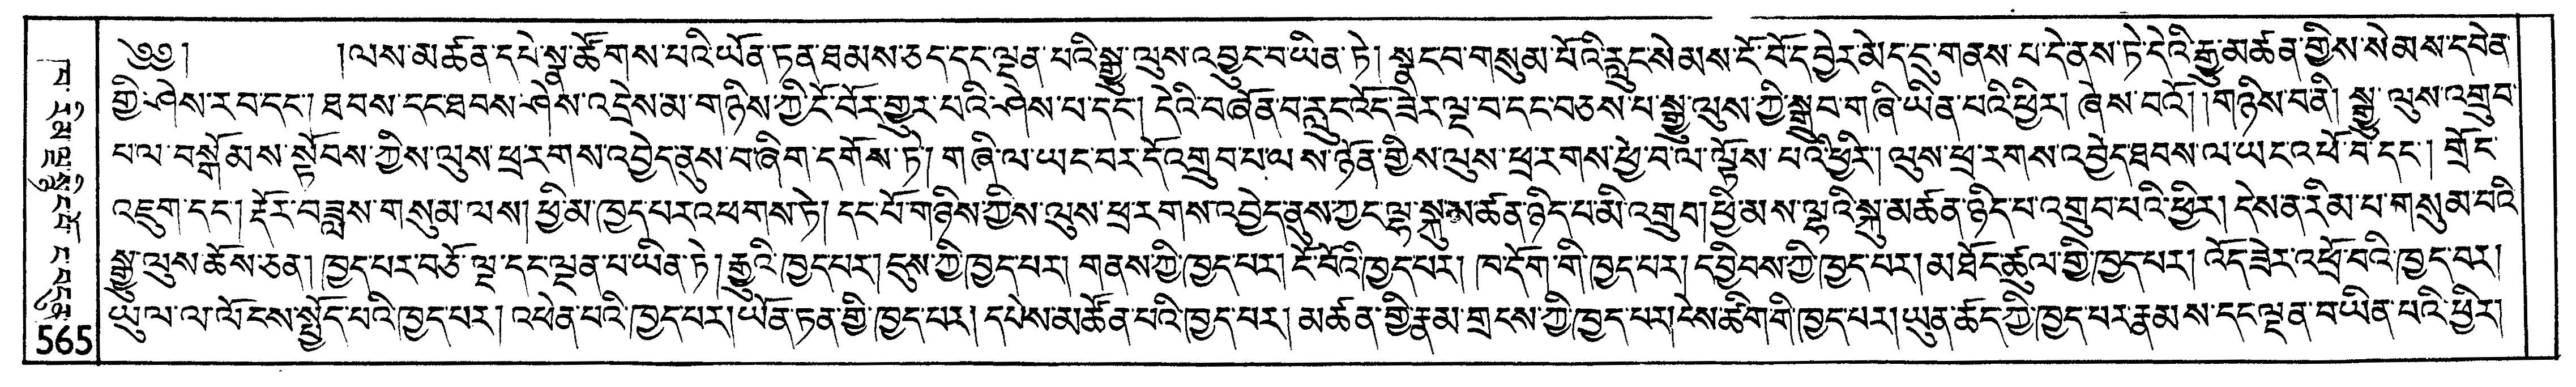༄༅། །ལས་མཚན་དཔེ་སྣ་ཚོགས་པའི་ཡོན་ཏན་ཐམས་ཅད་དང་ལྡན་པའི་སྒྱུ་ལུས་འབྱུང་བ་ཡིན་ཏེ། སྣང་བ་གསུམ་པོའི་རླུང་སེམས་ངོ་བོ་དབྱེར་མེད་དུ་གནས་པ་དེ་ནས་ཏེ་དེའི་རྒྱུ་མཚན་གྱིས་སེམས་དབེན་
གྱི་ཤེས་རབ་དང་། ཐབས་དང་ཐབས་ཤེས་འདྲེས་མ་གཉིས་ཀྱི་ངོ་བོར་གྱུར་པའི་ཤེས་པ་དང་། དེའི་བཞོན་བ་རླུང་འོད་ཟེར་ལྔ་བ་དང་བཅས་པ་སྒྱུ་ལུས་ཀྱི་སྒྲུབ་གཞི་ཡིན་པའི་ཕྱིར། ཞེས་པའོ། །གཉིས་པ་ནི། སྒྱུ་ལུས་འགྲུབ་
པ་ལ་བསྒོམས་སྟོབས་ཀྱིས་ལུས་ཕྲ་རགས་འབྱེད་ནུས་བ་ཞིག་དགོས་ཏེ། གཞི་ལ་ཡང་བར་དོ་འགྲུབ་པ་ལས་ཉོན་གྱིས་ལུས་ཕྲ་རགས་ཕྱེ་བ་ལ་ལྟོས་པའི་ཕྱིར། ལུས་ཕྲ་རགས་འབྱེད་ཐབས་ལ་ཡང་འཕོ་བ་དང་། གྲོང་
འཇུག་དང་། རྡོར་བཟླས་གསུམ་ལས། ཕྱི་མ་ཁྱད་པར་འཕགས་ཏེ། དང་པོ་གཉིས་ཀྱིས་ལུས་ཕྲ་རགས་འབྱེད་ནུས་ཀྱང་ལྷ་སྐུ་མཚན་ཉིད་པ་མི་འགྲུབ། ཕྱི་མས་ལྷའི་སྐུ་མཚན་ཉིད་པ་འགྲུབ་པའི་ཕྱིར། དེས་ན་རིམ་པ་གསུམ་པའི་
སྒྱུ་ལུས་ཆོས་ཅན། ཁྱད་པར་བཅོ་ལྔ་དང་ལྡན་པ་ཡིན་ཏེ། རྒྱུའི་ཁྱད་པར། དུས་ཀྱི་ཁྱད་པར། གནས་ཀྱི་ཁྱད་པར། ངོ་བོའི་ཁྱད་པར། ཁ་དོག་གི་ཁྱད་པར། དབྱིབས་ཀྱི་ཁྱད་པར། མཐོང་ཚུལ་གྱི་ཁྱད་པར། འོད་ཟེར་འཕྲོ་བའི་ཁྱད་བར།
ཡུལ་ལ་ལོངས་སྤྱོད་པའི་ཁྱད་པར། འཕེན་པའི་ཁྱད་པར། ཡོན་ཏན་གྱི་ཁྱད་པར། དཔེས་མཚོན་པའི་ཁྱད་པར། མཚན་གྱི་རྣམ་གྲངས་ཀྱི་ཁྱད་པར། ངེས་ཚིག་གི་ཁྱད་པར། ཡུན་ཚད་ཀྱི་ཁྱད་པར་རྣམས་དང་ལྡན་པ་ཡིན་པའི་ཕྱིར།